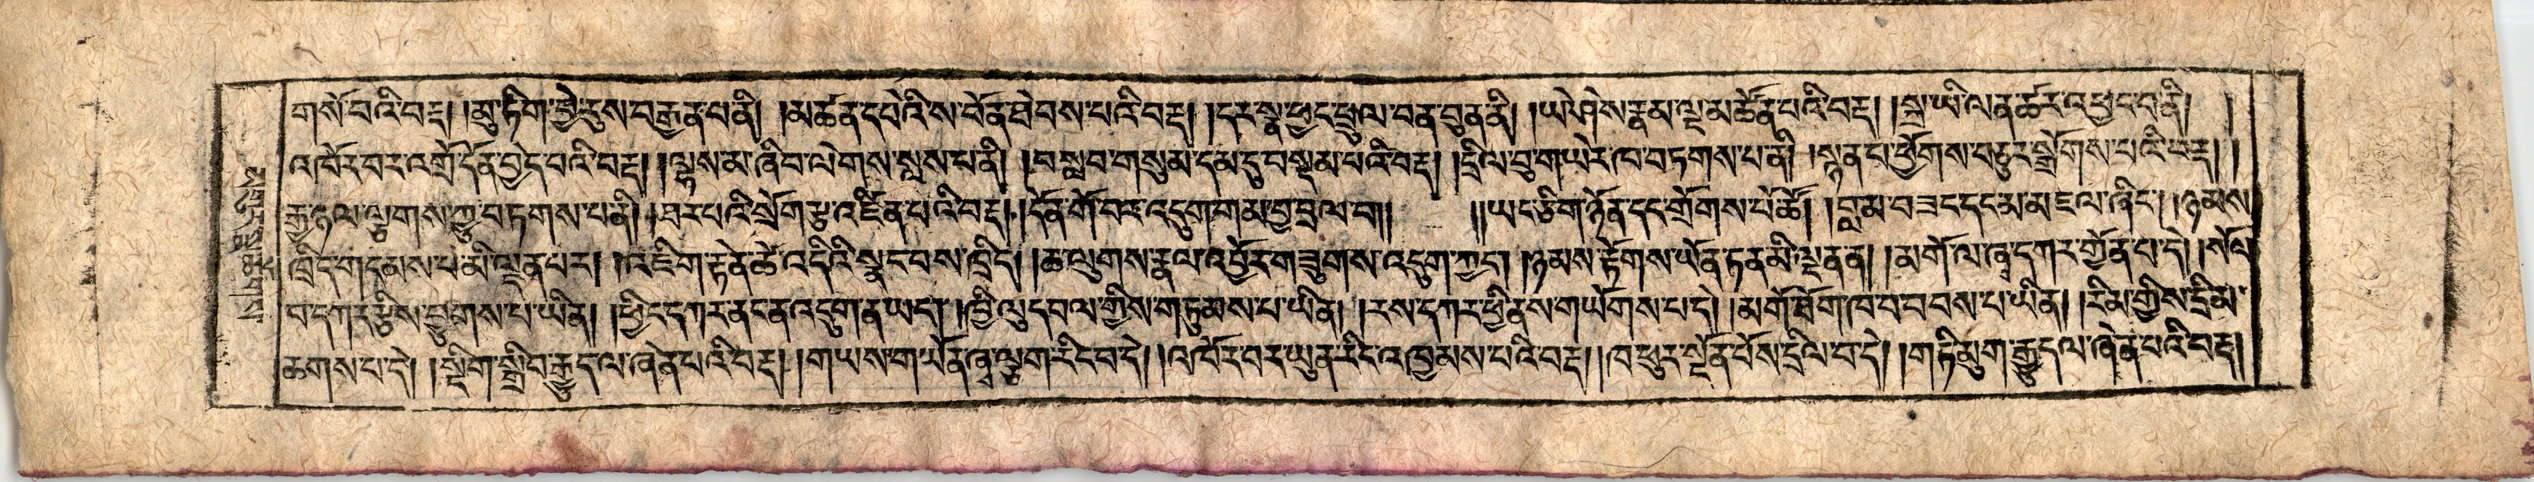གསོ་བའི་བརྡ། །མུ་ཏིག་བྱེ་རུས་བརྒྱན་པ་ནི། །མཚན་དཔེའི་ས་བོན་ཐེབས་པའི་བརྡ། །དར་སྣ་ཕྱང་ཕྲུལ་བན་བུན་ནི། །ཡེ་ཤེས་རྣམ་ལྔ་མཚོན་པའི་བརྡ། །སྐྲ་ཡི་ལན་ཚར་འཕྱང་བ་ནི། །
འཁོར་བར་འགྲོ་དོན་བྱེད་པའི་བརྡ། །ལྷས་མ་ཞིབ་ལེགས་སླས་པ་ནི། །བསླབ་གསུམ་དམ་དུ་བསྡམ་པའི་བརྡ། །དྲིལ་བུ་གཡེར་ཁ་བཏགས་པ་ནི། །སྙན་པ་ཕྱོགས་བཅུར་སྒྲོགས་པའི་བརྡ། །
རྒྱ་ཉལ་ལྕགས་ཀྱུ་བཏགས་པ་ནི། །ཐར་པའི་སྲོག་རྩ་འཛིན་པའི་བརྡ། །དོན་གོ་བར་འདུག་གམ་བྱ་བྲལ་བ། །ཡང་ཅིག་ཉོན་དང་གྲོགས་པ་ཚོ། །བླ་མ་བཟང་དང་མ་མཇལ་ཞིང་། །ཉམས་
ཁྲིད་གདམས་པ་མི་ལྡན་པར། །འཇིག་རྟེན་ཚེ་འདིའི་སྣང་བས་ཁྲིད། །ཆ་ལུགས་རྣལ་འབྱོར་གཟུགས་འདུག་ཀྱང་། །ཉམས་རྟོགས་ཡོན་ཏན་མི་ལྡན་ན། །མགོ་ལ་ཞྭ་དཀར་གྱོན་པ་དེ། །སོལ་
བ་དཀར་རྩིས་བྱུགས་པ་ཡིན། །ཕྱིང་དཀར་ནང་ན་འདུག་ན་ཡང་། །ཁྱི་ལུད་བལ་གྱིས་གཏུམས་པ་ཡིན། །རས་དཀར་ཕྱི་ནས་གཡོགས་པ་དེ། །མགོ་ཐོག་ཁ་བ་བབས་པ་ཡིན། །རིམ་གྱིས་དྲི་མ་
ཆགས་པ་དེ། །སྡིག་སྒྲིབ་རྒྱུད་ལ་ཞེན་པའི་བརྡ། །གཡས་གཡོན་ཞྭ་ལྕག་རིང་བ་དེ། །འཁོར་བར་ཡུན་རིང་འཁྱམས་པའི་བརྡ། །ཁ་ཕུར་སྔོན་པོས་དྲིལ་བ་དེ། །གཏི་མུག་རྒྱུད་ལ་ཞེན་པའི་བརྡ། །